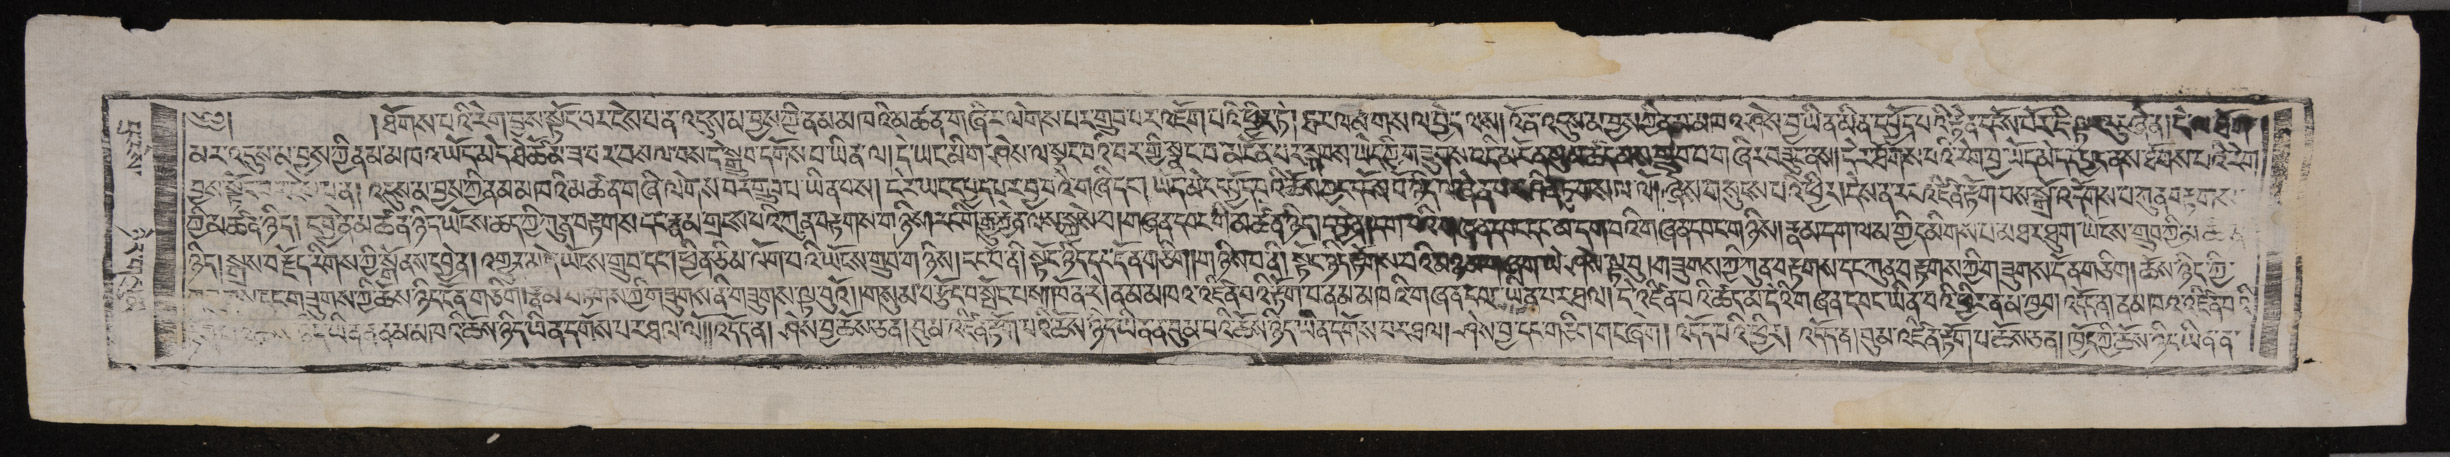༄༅། །ཐོགས་པའི་རེག་བྱས་སྟོང་པར་ངེས་པ་ན་འདུས་མ་བྱས་ཀྱི་ནམ་མཁའི་མཚན་གཞིར་ལེགས་པར་གྲུབ་པར་འཇོག་པའི་ཕྱིར་ཏེ། ཐར་ལམ་གསལ་བྱེད་ལས། འོ་ན་འདུས་མ་བྱས་ཀྱི་ནམ་མཁའ་ཤེས་བྱ་ཡིན་མིན་དཔྱོད་པའི་རྟེན་དངོས་པོར་ཇི་ལྟར་རུང་ཞེ་ན། དེ་ལ་ཐོག་
མར་འདུས་མ་བྱས་ཀྱི་ནམ་མཁའ་ཡོད་མེད་ཐེ་ཚོམ་ཟ་བར་བསལ་བས་དེ་སྒྲུབ་དགོས་པ་ཡིན་ལ། དེ་ཡང་མིག་ཤེས་ལ་སྣང་བའི་བར་གྱི་སྣང་བ་མངོན་པར་སྐབས་ཡིད་ཀྱི་གཟུགས་འདི་མངོན་སུམ་ཚད་མས་གྲུབ་པ་གཞིར་བཟུང་ནས། དེར་ཐོགས་པའི་རེག་བྱ་ཡོད་མེད་དཔྱད་ནས་ཐོགས་པའི་རེག་
བྱས་སྟོང་པར་ངེས་པ་ན། འདུས་མ་བྱས་ཀྱི་ནམ་མཁའི་མཚན་གཞི་ལེགས་པར་གྲུབ་པ་ཡིན་པས། དེར་ཡང་དཔྱད་པར་བྱ་བའི་གཞི་དང་། ཡོད་མེད་དཔྱོད་པའི་ཆོས་ཀྱང་དངོས་པོ་ཉིད་ལ་ཞེན་པར་ཤིན་ཏུ་གསལ་ལོ། །ཞེས་གསུངས་པའི་ཕྱིར། དེས་ན་རང་འཛིན་རྟོག་པས་སྒྲོ་འདོགས་པ་ཀུན་བརྟགས་
ཀྱི་མཚན་ཉིད། དབྱེ་ན་མཚན་ཉིད་ཡོངས་ཆད་ཀྱི་ཀུན་བརྟགས་དང་རྣམ་གྲངས་པའི་ཀུན་བརྟགས་གཉིས། རང་གི་རྒྱུ་རྐྱེན་ལས་སྐྱེས་པ། གཞན་དབང་གི་མཚན་ཉིད། དབྱེ་ན། དག་པའི་གཞན་དབང་དང་མ་དག་པའི་གཞན་དབང་གཉིས། རྣམ་དག་ལམ་གྱི་དམིགས་པ་མཐར་ཐུག་ཡོངས་གྲུབ་ཀྱི་མཚན་
ཉིད། སྒྲས་བརྗོད་རིགས་ཀྱི་སྒོ་ནས་དབྱེ་ན། འགྱུར་མེད་ཡོངས་གྲུབ་དང་། ཕྱིན་ཅི་མ་ལོག་པའི་ཡོངས་གྲུབ་གཉིས། དང་པོ་ནི། སྟོང་ཉིད་དང་དོན་གཅིག །གཉིས་པ་ནི། སྟོང་ཉིད་རྟོགས་པའི་མཉམ་གཞག་ཡེ་ཤེས་ལྟ་བུ། གཟུགས་ཀྱི་ཀུན་བརྟགས་དང་ཀུན་བརྟགས་ཀྱི་གཟུགས་དོན་གཅིག །ཆོས་ཉིད་ཀྱི་
གཟུགས་དང་གཟུགས་ཀྱི་ཆོས་ཉིད་དོན་གཅིག །རྣམ་བཏགས་ཀྱི་གཟུགས་ནི་གཟུགས་ལྟ་བུའོ། །གསུམ་པ་རྩོད་པ་སྤོང་བ་ལ་ཁོ་ན་རེ། ནམ་མཁའ་འཛིན་པའི་རྟོག་པ་ནམ་མཁའི་གཞན་དབང་ཡིན་པར་ཐལ། དེ་འཛིན་པའི་ཚད་མ་དེའི་གཞན་དབང་ཡིན་པའི་ཕྱིར་ན་མ་ཁྱབ། འདོད་ན། ནམ་མཁའ་འཛིན་པའི་
རྟོག་པའི་ཆོས་ཉིད་ཡིན་ན་ནམ་མཁའི་ཆོས་ཉིད་ཡིན་དགོས་པར་ཐལ་ལོ། །འདོད་ན། ཤེས་བྱ་ཆོས་ཅན། བུམ་འཛིན་རྟོག་པའི་ཆོས་ཉིད་ཡིན་ན་བུམ་པའི་ཆོས་ཉིད་ཡིན་དགོས་པར་ཐལ། ཤེས་བྱ་དང་གཅིག་གང་ཞིག །འདོད་པའི་ཕྱིར། འདོད་ན། བུམ་འཛིན་རྟོག་པ་ཆོས་ཅན། ཁྱོད་ཀྱི་ཆོས་ཉིད་ཡིན་ན་